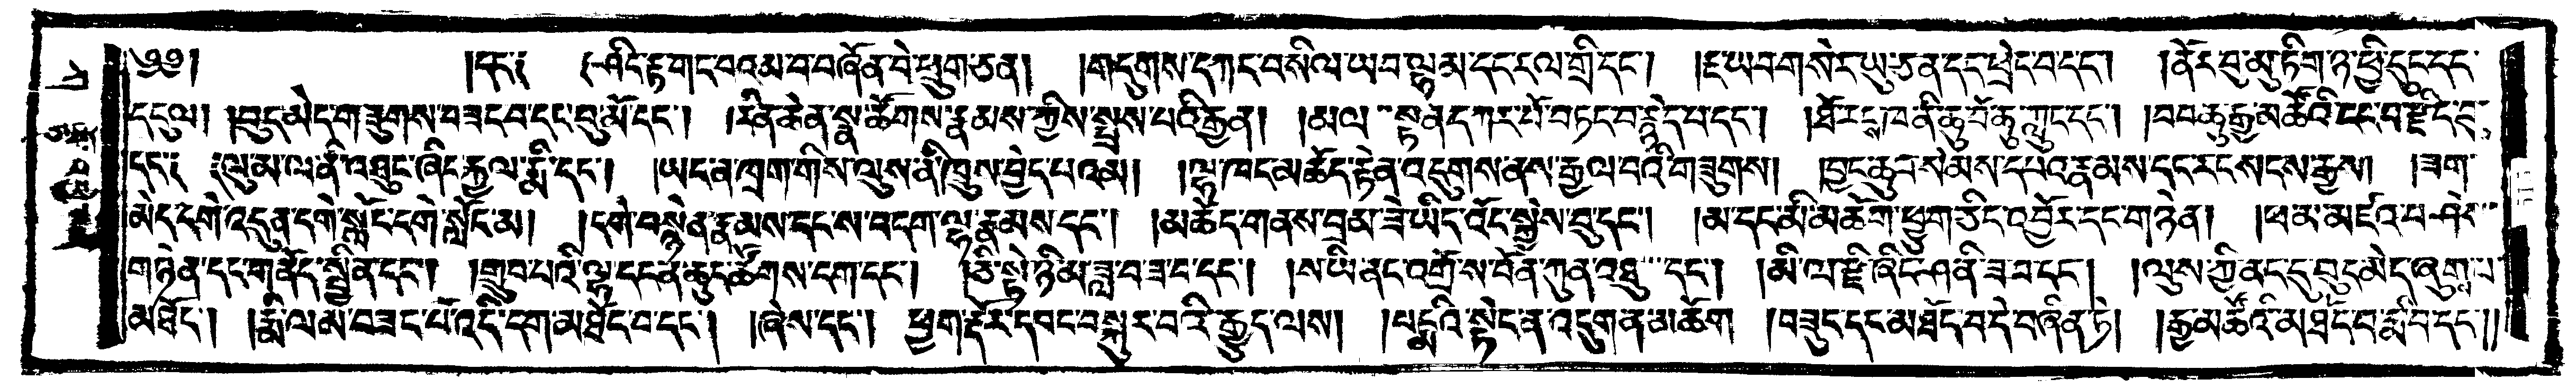༄༅། །དང་། །ཤིང་རྟ་གང་བའམ་བ་བཞོན་བེ་ཕྲུག་ཅན། །གདུགས་དཀང་བསིལ་ཡབ་ལྷམ་དང་རལ་གྲི་དང་། །ཇ་ཡབ་གསེར་ཡུ་ཅན་དང་ཕྲེང་བ་དང་། །ནོར་བུ་མུ་ཏིག་ཉ་ཕྱི་དུང་དང་
དངུལ། །བུད་མེད་གཟུགས་བཟང་བ་དང་བུ་མོ་དང་། །རིན་ཆེན་སྣ་ཚོགས་རྣམས་ཀྱིས་སྤྲས་པའི་རྒྱན། །མལ་སྟན་དཀར་པོ་བཏང་བ་རྙེད་པ་དང་། །ཐོ་རངས་ཁ་ནི་ཆུ་ཀླུང་དང་། །བབ་ཆུ་རྒྱ་མཚོའི་ངང་བརྗིད་དུ་
དང་། །ལུ་མ་ལ་ནི་འཐུང་ཞིང་རྒྱལ་རྨི་དང་། །ཡང་ན་ཁྲག་གིས་ལུས་ནི་ཁྲུས་བྱེད་པའམ། །ལྷ་ཁང་མཆོད་རྟེན་འདུགས་ནས་རྒྱལ་བའི་གཟུགས། །བྱང་ཆུབ་སེམས་དཔའ་རྣམས་དང་རང་སངས་རྒྱས། །ཟག་
མེད་དགེ་འདུད་དགེ་སློང་དགེ་སློང་མ། །དགེ་བསྙེན་རྣམས་དང་ས་བདག་ལྷ་རྣམས་དང་། །མཆོད་གནས་བྲམ་ཟེ་ཡིད་འོང་སྐྱེས་བུ་དང་། །མ་དང་མི་མཆོག་ཕྱུག་ཅིང་འབྱོར་རང་གཉེན། །ཕམ་མཛའ་བཤེང?
གཉེན་དང་གནོད་སྦྱིན་དང་། །གྲུབ་པའི་ལྷ་དང་ན་ཆུད་ཚོགས་དག་དང་། །ཅི་སྟེ་ཉི་མ་ཟླ་བ་ཟ་ང་དང་། །ས་ཡི་ནང་འགྲོ་ས་བོན་ཀུན་འཐུ་དང་། །མི་ལ་རྫི་ཞིང་ཤ་ནི་ཟ་བ་དང་། །ལུས་ཀྱི་ནང་དུ་བུད་མེད་ཞུགས་པ་
མཐོང་། །རྨི་ལམ་བཟང་པོ་འདི་དག་མཐོང་བ་དང་། །ཞེས་དང་། ཕྱག་རྡོར་དབང་བསྐུར་བའི་རྒྱུད་ལས། །པདམའི་སྟེང་ན་འདུག་ན་མཆོག །བཟུང་དང་མཐོད་བདེ་བཞིན་ཏེ། །རྒྱ་མཚོའི་མཐོང་བ་རྨ་བ་དང་། །